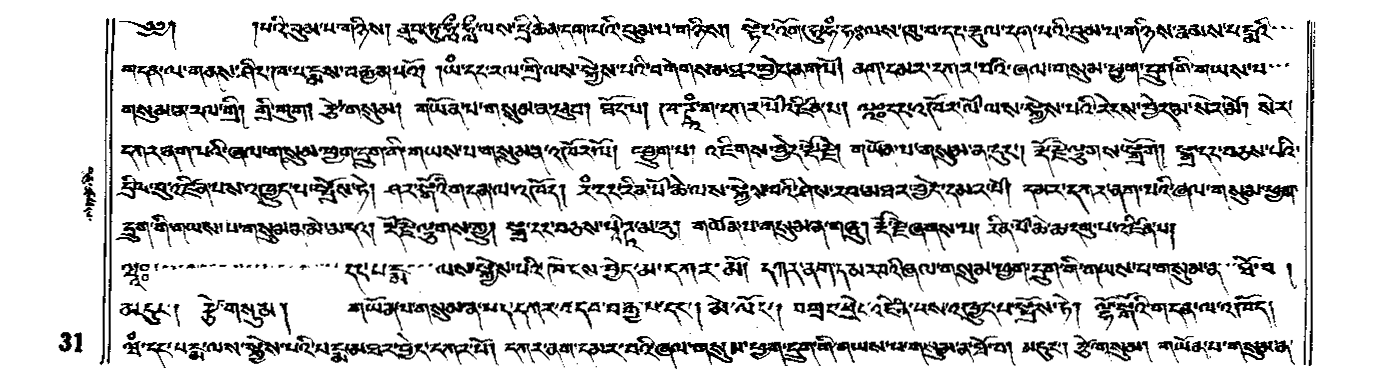༄༅། །པའི་བུམ་པ་གཉིས། ནུབ་ཏུ་ཧླྀ་ཧླྀ་ལས་དྲི་ཆེན་དག་པའི་བུམ་པ་གཉིས། སྟེང་འོག་ཏུ་ཧཾ་ཧཿ ལས་ཁུ་བ་དང་རྡུལ་དག་པའི་བུམ་པ་གཉིས་རྣམས་པདམའི་
གདན་ལ་གནས་ཤིང་ཁ་པདམས་བརྒྱན་པའོ། །ཡཾ་དང་རལ་གྲི་ལས་སྐྱེས་པའི་བགེགས་མཐར་བྱེད་ནག་པོ། ནག་དམར་དཀར་བའི་ཞལ་གསུམ་ཕྱག་དྲུག་གི་གཡས་པ་
གསུམ་ན་རལ་གྲི། གྲི་གུག། རྩེ་གསུམ། གཡོན་པ་གསུམ་ན་ཕུབ། ཐོད་པ། ཁ་ཌྭཱཾ་ག་དཀར་པོ་འཛིན་པ། ལཱཿ དང་འཁོར་ལོ་ལས་སྐྱེས་པའི་རེངས་བྱེད་མ་སེར་མོ། སེར་
དཀར་ནག་པའི་ཞལ་གསུམ་ཕྱག་དྲུག་གི་གཡས་པ་གསུམ་ན་འཁོར་ལོ། དབྱུག་པ། འཇིགས་བྱེད་རྡོ་རྗེ། གཡོན་པ་གསུམ་ན་དུང་། རྡོ་རྗེ་ལྕགས་སྒྲོག། སྒྲ་དང་བཅས་པའི་
དྲིལ་བུ་འཛིན་པས་འཁྱུད་པ་སྤྲོས་ཏེ། ཤར་སྒོའི་གདན་ལ་འཁོད། རཾ་དང་རིན་པོ་ཆེ་ལས་སྐྱེས་པའི་ཤེས་རབ་མཐར་བྱེད་དམར་པོ། དམར་དཀར་ནག་པའི་ཞལ་གསུམ་ཕྱག་
དྲུག་གི་གཡས་པ་གསུམ་ན་མེ་མདའ། རྡོ་རྗེ་ལྕགས་ཀྱུ། སྒྲ་དང་བཅས་པཱི་ཌཱ་མ་རུ། གཡོན་པ་གསུམ་ན་གཞུ། རྡོ་རྗེ་ཞགས་པ། རིན་པོ་ཆེ་ཆ་དགུ་པ་འཛིན་པ།
ཝཱཿ ?་?་?་དང་པདམ་?་ལས་སྐྱེས་པའི་ཁེངས་བྱེད་མ་དཀར་མོ། དཀར་ནག་དམར་བའི་ཞལ་གསུམ་ཕྱག་དྲུག་གི་གཡས་པ་གསུམ་ན་ཐོ་བ།
མདུང་། རྩེ་གསུམ། གཡོན་པ་གསུམ་ན་པད་དཀར་འདབ་བརྒྱ་པ་དང་། མེ་ལོང་། བགྲང་ཕྲེང་འཛིན་པས་འཁྱུད་པ་སྤྲོས་ཏེ། ལྷོ་སྒོའི་གདན་ལ་འཁོད།
ཝཾ་དང་པདམ་ལས་སྐྱེས་པའི་པདམ་མཐར་བྱེད་དཀར་པོ། དཀར་ནག་དམར་བའི་ཞལ་གསུམ་ཕྱག་དྲུག་གི་གཡས་པ་གསུམ་ན་ཐོ་བ། མདུང་། རྩེ་གསུམ། གཡོན་པ་གསུམ་ན་